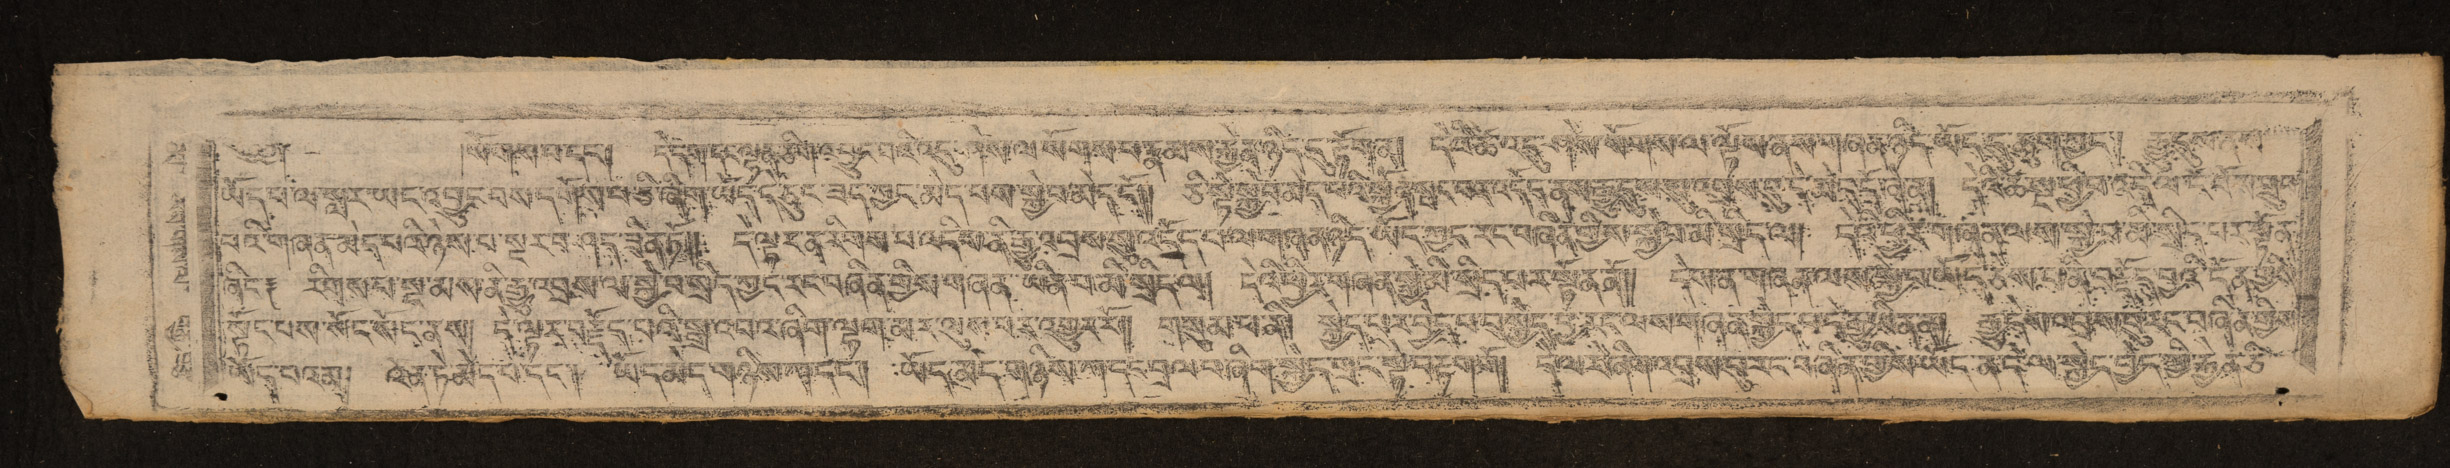༄༅། །སོགས་པ་དང་། དེ་དག་དང་ལྷན་ཅིག་འབྱུང་བའི་འདུ་ཤེས་ལ་སོགས་པ་རྣམས་རྐྱེན་ཉིད་དུ་རྟོག་ན། དེའི་ཚེ་འདུ་ཤེས་སོགས་ལ་ལྟོས་ནས་གཞན་ཉིད་ཡོད་དུ་ཆུག་ཀྱང་། རྒྱུ་དུས་ནས་
ཡོད་པ་ལ་སླར་ཡང་འབྱུང་བས་དགོས་པ་ཅི་ཞིག་ཡོད་དེ་ཅུང་ཟད་ཀྱང་མེད་པས་སྐྱེ་བ་མེད་དོ།། ཅི་སྟེ་སྐྱེ་བ་མེད་པའི་སྐྱོན་སྤང་བར་འདོད་ནས་རྒྱུ་དུས་སུ་འབྲས་བུ་དེ་མེད་དོ་ཞེ་ན། དེའི་ཚེ་སྔ་ཕྱི་བ་འདི་ལ་ངོ་བོས་གྲུབ་
པའི་གཞན་མེད་པའི་ཉེས་པ་སྔར་བཤད་ཟིན་ཏོ།། དེ་ལྟར་ན་རིགས་པ་འདིས་ནི་རྒྱུ་འབྲས་སུ་འདོད་པ་ལ་གཞན་ཉིད་ཡོད་ཀྱང་རང་བཞིན་གྱིས་སྐྱེ་བ་མི་སྲིད་ལ། དེའི་ཕྱིར་གཞན་ལས་སྐྱེ་བ་མི་སྲིད་པར་སྟོན་
ཞིང༑ རིགས་པ་སྔ་མས་ནི་རྒྱུ་འབྲས་ལ་སྐྱེ་བ་སྲིད་ཀྱང་རང་བཞིན་གྱིས་གཞན་ཡིན་པ་མི་སྲིད་ལ། དེའི་ཕྱིར་གཞན་སྐྱེ་མི་སྲིད་པར་སྟོན་ནོ།། དེས་ན་གཞན་ལས་སྐྱེ་བ་ཡོད་ཅེས་པ་ནི་བརྗོད་བྱའི་དོན་གྱིས་
སྟོང་པས་སོང་སོང་ནས། དེ་ལྟར་བརྗོད་པའི་སྒྲ་འབའ་ཞིག་ལྷག་མར་ལུས་པར་འགྱུར་རོ།། གསུམ་པ་ནི། སྐྱེད་པར་བྱེད་པ་བསྐྱེད་བྱ་རང་ལས་གཞན་སྐྱེད་པ་དེ་རྒྱུ་ཡིན་ན། རྒྱུ་དེས་འབྲས་བུ་རང་བཞིན་གྱིས་
ཡོད་པའམ། འོན་ཏེ་མེད་པ་དང་། ཡོད་མེད་གཉིས་ཀ་དང་། ཡོད་མེད་གཉིས་ཀ་དང་བྲལ་བ་ཞིག་སྐྱེད་གྲང་སྟེ་བརྟག་གོ། དེ་ལ་རེ་ཞིག་འབྲས་བུ་རང་བཞིན་གྱིས་ཡོད་ན་དེ་ལ་སྐྱེད་བྱེད་ཀྱི་རྐྱེན་ཅི་